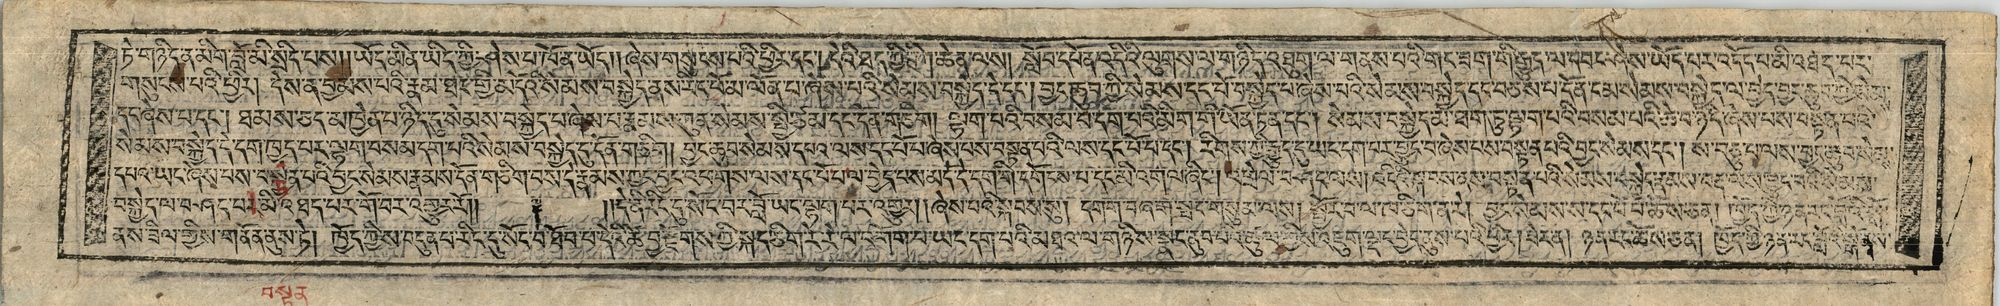ཏེ་གཉིད་ན་མིག་བློ་མི་སྲིད་པས། །ཡོད་མིན་ཡིད་ཀྱི་ཤེས་པ་ཁོ་ན་ཡོད། །ཞེས་གསུངས་པའི་ཕྱིར་དང་། དེའི་ཐད་ཀྱི་ཊིཀ་ཆེན་ལས། སློབ་དཔོན་འདིའི་ལུགས་ལ་གཉིད་འཐུག་ལ་གནས་པའི་གང་ཟག་གི་རྒྱུད་ལ་དབང་ཤེས་ཡོད་པར་འདོད་པ་མི་འཐད་པར་
གསུངས་པའི་ཕྱིར། དེས་ན་བྱམས་པའི་རྣམ་ཐར་གྱི་མདོའི་སེམས་བསྐྱེད་ནས་རིང་པོ་མ་ལོན་པ་ཞེས་པའི་སེམས་བསྐྱེད་དེ་དང་། བྱང་ཆུབ་ཀྱི་སེམས་དང་པོ་བསྐྱེད་པ་ཞེས་པའི་སེམས་བསྐྱེད་དང་བཅས་པ་དོན་དམ་སེམས་བསྐྱེད་ལ་བྱེད་བྱང་ཆུབ་ཀྱི་སེམས་
དང་ཞེས་པ་དང་། ཐམས་ཅད་མཁྱེན་པ་ཉིད་དུ་སེམས་བསྐྱེད་པ་ཞེས་པ་རྣམས་ཀུན་སེམས་སྤྱི་ཙམ་དང་དོན་གཅིག །ལྷག་པའི་བསམ་པ་དག་པའི་མིག་གི་ཡོན་ཏན་དང་། སེམས་བསྐྱེད་མ་ཐག་ཏུ་ལྷག་པའི་བསམ་པའི་ཆེ་བ་ཉིད་ཞེས་པས་བསྟན་པའི་
སེམས་བསྐྱེད་དེ་དག་ཁྱད་པར་ལྷག་བསམ་དག་པའི་སེམས་བསྐྱེད་དུ་དོན་གཅིག །བྱང་ཆུབ་སེམས་དཔའ་ལས་དང་པོ་པ་ཞེས་པས་བསྟན་པའི་ལས་དང་པོ་པ་དང་། རིགས་ཀྱི་རྒྱུད་དུ་ཡང་དག་པར་བྱུང་བ་ཞེས་པས་བསྟན་པའི་བྱང་སེམས་དང་། ས་བཅུ་པ་ལས་བྱང་ཆུབ་སེམས་
དཔའ་ཡང་ཞེས་པས་བསྟན་པའི་བྱང་སེམས་རྣམས་དོན་གཅིག་བས་དེ་རྣམས་ཀྱང་བྱང་འཕགས་ལས་དང་པོ་པ་ལ་བྱེད་པས་མདོ་དེ་དག་གི་དགོངས་པ་དང་མི་འགལ་ཞིང་། འགྲེལ་བཤད་ལས། འདིའི་སྐབས་ནས་བསྟན་པའི་སེམས་བསྐྱེད་རྣམས་བརྡ་ལས་བྱུང་བའི་སེམས་
བསྐྱེད་ལ་བཤད་པས་མི་འཐད་པར་གོ་བར་འགྱུར་རོ།། ༈ །།དེ་ནི་རིང་དུ་སོང་བར་བློ་ཡང་ལྷག་པར་འགྱུར། །ཞེས་པའི་སྐབས་སུ། དགག་བཞག་སྤང་གསུམ་ལས། སྦྱོར་བ་ལ་ཁ་ཅིག་ན་རེ། བྱང་སེམས་ས་དང་པོ་བ་ཆོས་ཅན། ཁྱོད་ཀྱི་ཉན་རང་བློའི་སྒོ་
ནས་ཟིལ་གྱིས་གནོན་ནུས་ཏེ། ཁྱོད་ཀྱི་ས་བདུན་པ་རིང་དུ་སོང་བ་ཐོབ་པ་དེའི་ཚེ་བྱ་རྫོགས་ཀྱི་སྐད་ཅིག་རེ་རེ་ལ་འགོག་པ་ཡང་དག་པའི་མཐའ་ལ་གཉིས་སྣང་ནུབ་པའི་ཚུལ་གྱིས་འཇུག་ལྡང་བྱེད་ནུས་པའི་ཕྱིར། ཟེར་ན། ཉན་རང་ཆོས་ཅན། ཁྱོད་ཀྱི་ཉན་རང་བློའི་སྒོ་ནས་